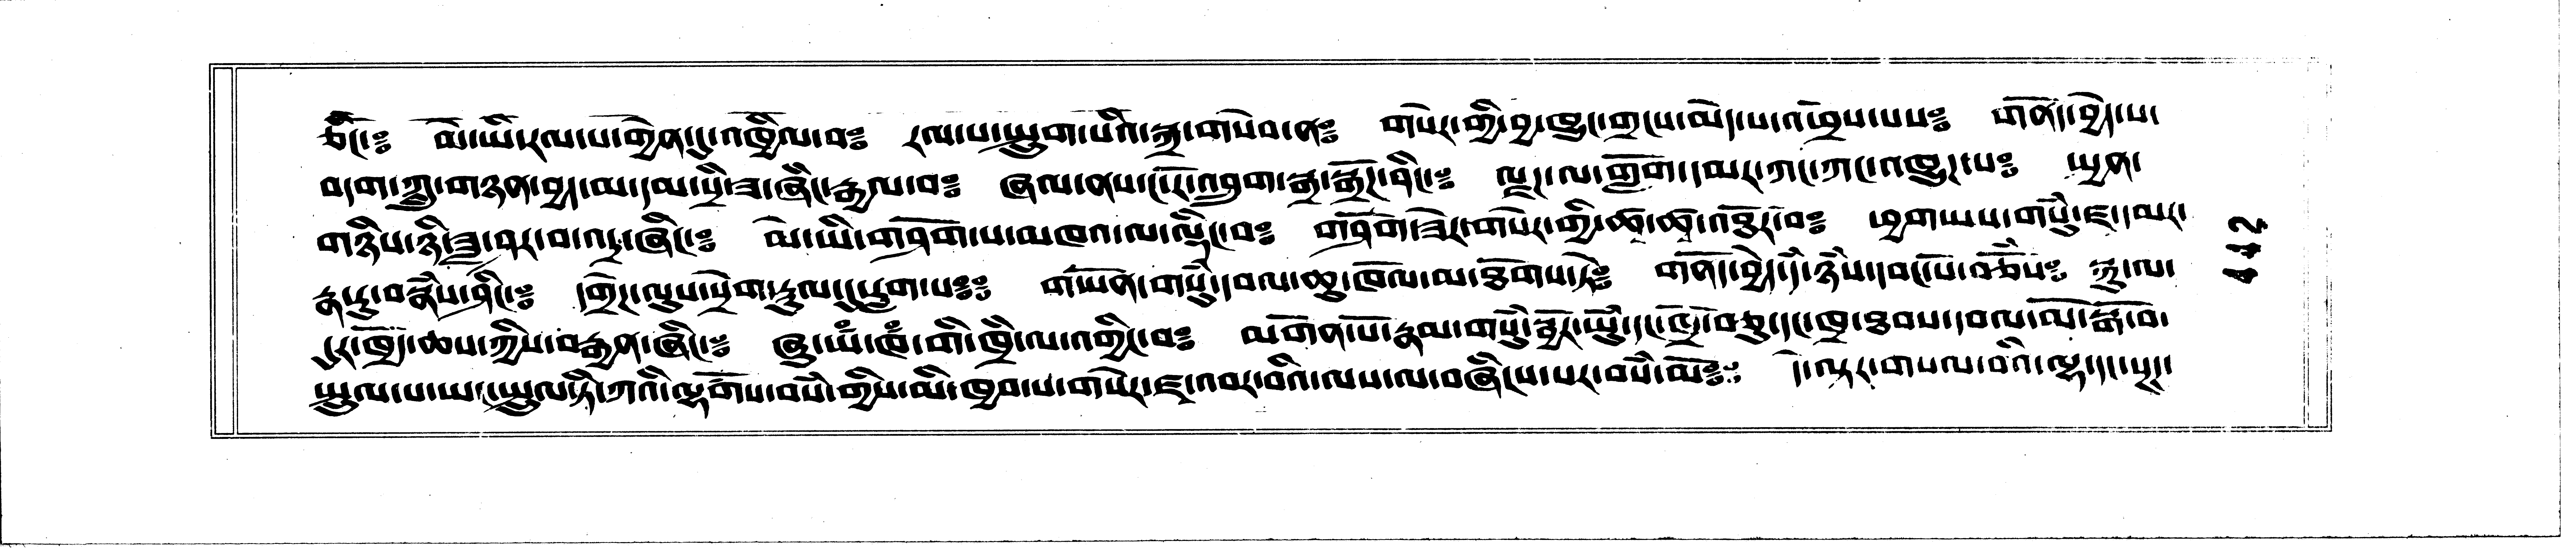ཅིང༔མེ་ཡི་རལ་པ་གྱེན་དུ་འཁྱིལ་བ༔རལ་པ་སྤྲུགས་པའི་སྐྲ་གསེབ་ན༔གསེར་གྱི་བྱ་ཁྱུང་གྲངས་མེད་པ་འཕྲོས་པས༔གནོད་བྱེད་ས་
བདག་ཀླུ་གཉན་བྱད་མ་དམ་སྲི་ཟ་ཞིང་རྒྱལ་བ༔ ཞལ་ནས་ང་རོ་འབྲུག་སྒྲ་སྒྲོགས་ཤིང་༔ ལྗགས་ལ་གློག་དམར་ཀང་ཀང་འཁྱུད་པ༔ སྤྱན་
གཉིས་ཉི་ཟླ་ཤར་བ་འདྲ་ཞིང་༔མེ་ཡི་གཤོག་པ་མཁའ་ལ་ལྡིང་བ༔གཤོག་ཟེར་གསེར་གྱི་ཚྭ་ཚྭ་འཐོར་བ༔ཕྱག་གཡས་གསུམ་ཛྭ་དམར་
རྣ་རུ་བསྣམས་ཤིང་༔དགྲ་བགེགས་ལུས་སྲོག་རྡུལ་དུ་བརླག་པ༔༔གཡོན་གསུམ་དབལ་ཆུ་ཁོལ་མ་ཐོགས་ཏེ༔གནོད་བྱེད་དམ་ཉམས་དབང་པོ་བཅོམས༔སྐུ་ལ་
དུར་ཁྲོད་ཆས་ཀྱིས་བརྒྱན་ཞིང་༔ཞུང་ཡཾ་ཁཾ་གི་ཁྲི་ལ་འགྱིང་བ༔མགོན་པོ་རྣམ་གསུམ་སྦྱོར་ཡུམ་དང་ཁྲོ་བཅུ་དང་ཁྲ་ཐབས་དབལ་མོ་སྒོ་བ་
སྤྲུལ་པ་ཡང་སྤྲུལ་ཏི་ཀའི་ལྷ་ཚོགས་བསམ་གྱིས་མི་ཁྱབ་པ་གསེར་ཛྭ་འབར་བའི་ལས་ལ་བཞེངས་པར་བསམ་མོ༔༔དེ་ལྟར་གསལ་བའི་ལྷ་དང་སྔགས་